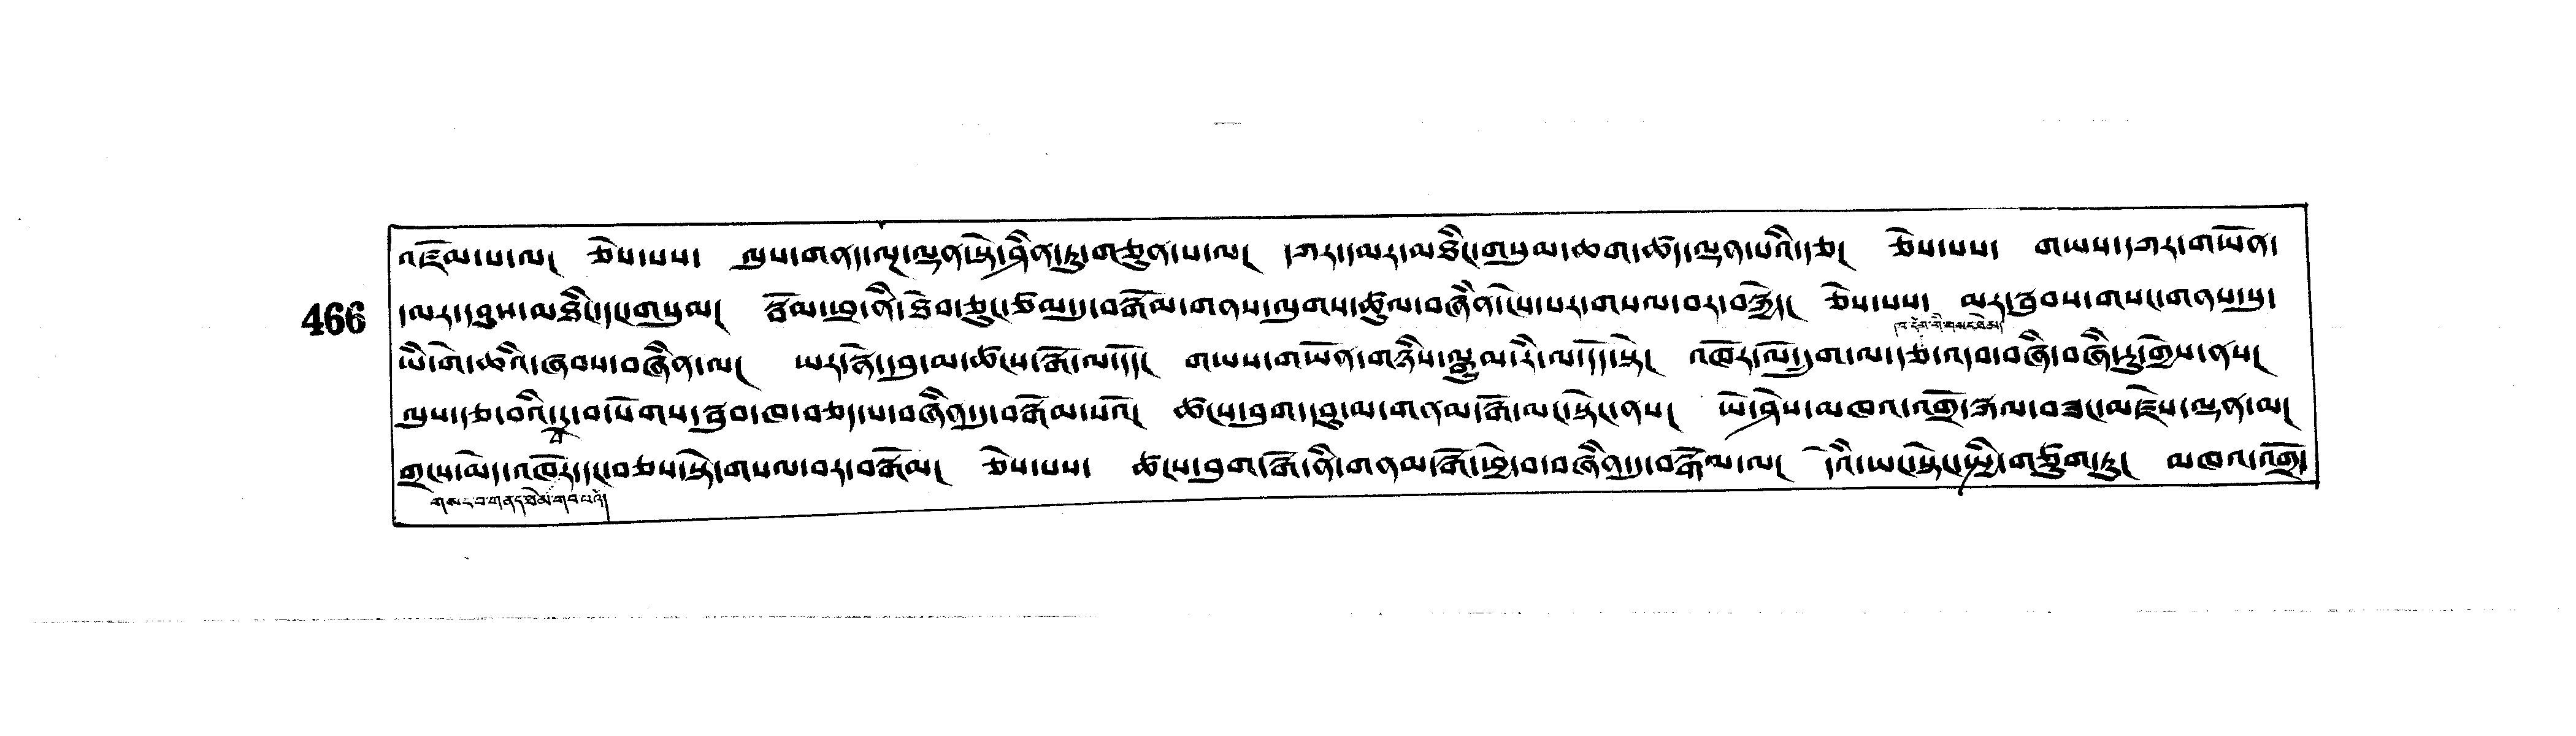འཛོམ་པ་ལ། ཅེས་པས། ལུས་གནད་ལྔ་ལྡན་ཏེ། ཤིན་ཏུ་གཅུན་པ་ལ། དཀར་དམར་མཐིང་གསུམ་ཆག་ཚད་ལྡན་པའི་རྩ། ཅེས་པས། གཡས་དཀར་གཡོན་
དམར་དབུས་མཐིང་དང་གསུམ། སྦོམ་ཕྲ་ནི་མཐེབ་ཆུང་ཙམ་དུ་བསྒོམ། གནས་ལུགས་ཚུལ་གཞིན་ངེས་པར་གསལ་བར་བསྐྱེད། ཅེས་པས། མར་སྦུབས་སུ་གསང་གནས་སུ་
ཡི་གེ་ཆ་ཡི་དབྱིབས་བཞིན་ལ། ཡར་སྣེ་དབུ་མ་ཚངས་སྒོ་ལ་དོད། གཡས་གཡོན་གཉིས་ལྒྱུམ་རི་ལ་དོད་དེ། འཁོར་ལོ་དྲུག་ལ་རྩ་འདབ་བཞི་བཞི་རུ་གྱེས་ནས། 
ལུས་རྩ་བའི་དྲྭ་བ་སོག་སྦུབས་ཁ་བཅད་པ་བཞིན་དུ་བསྒོམ་པའོ། ཚངས་བུག་དབུ་མ་གནམ་སྒོ་མང་སྟེང་ནས། ཡེ་ཤེས་མཁའ་འགྲོ་སྐལ་བཟང་མཛེས་ལྡན་མ། 
གྲངས་མེད་འཁོར་དང་བཅས་ཏེ་གསལ་བར་བསྒོམ། ཅེས་པས། ཚངས་བུག་སྒོ་ནི་གནམ་སྒོ་ཕྱེ་བ་བཞིན་དུ་བསྒོམ་ལ། དེའི་ཡང་སྟེང་སྤྱི་གཙུག་ཏུ། མཁའ་འགྲོ་